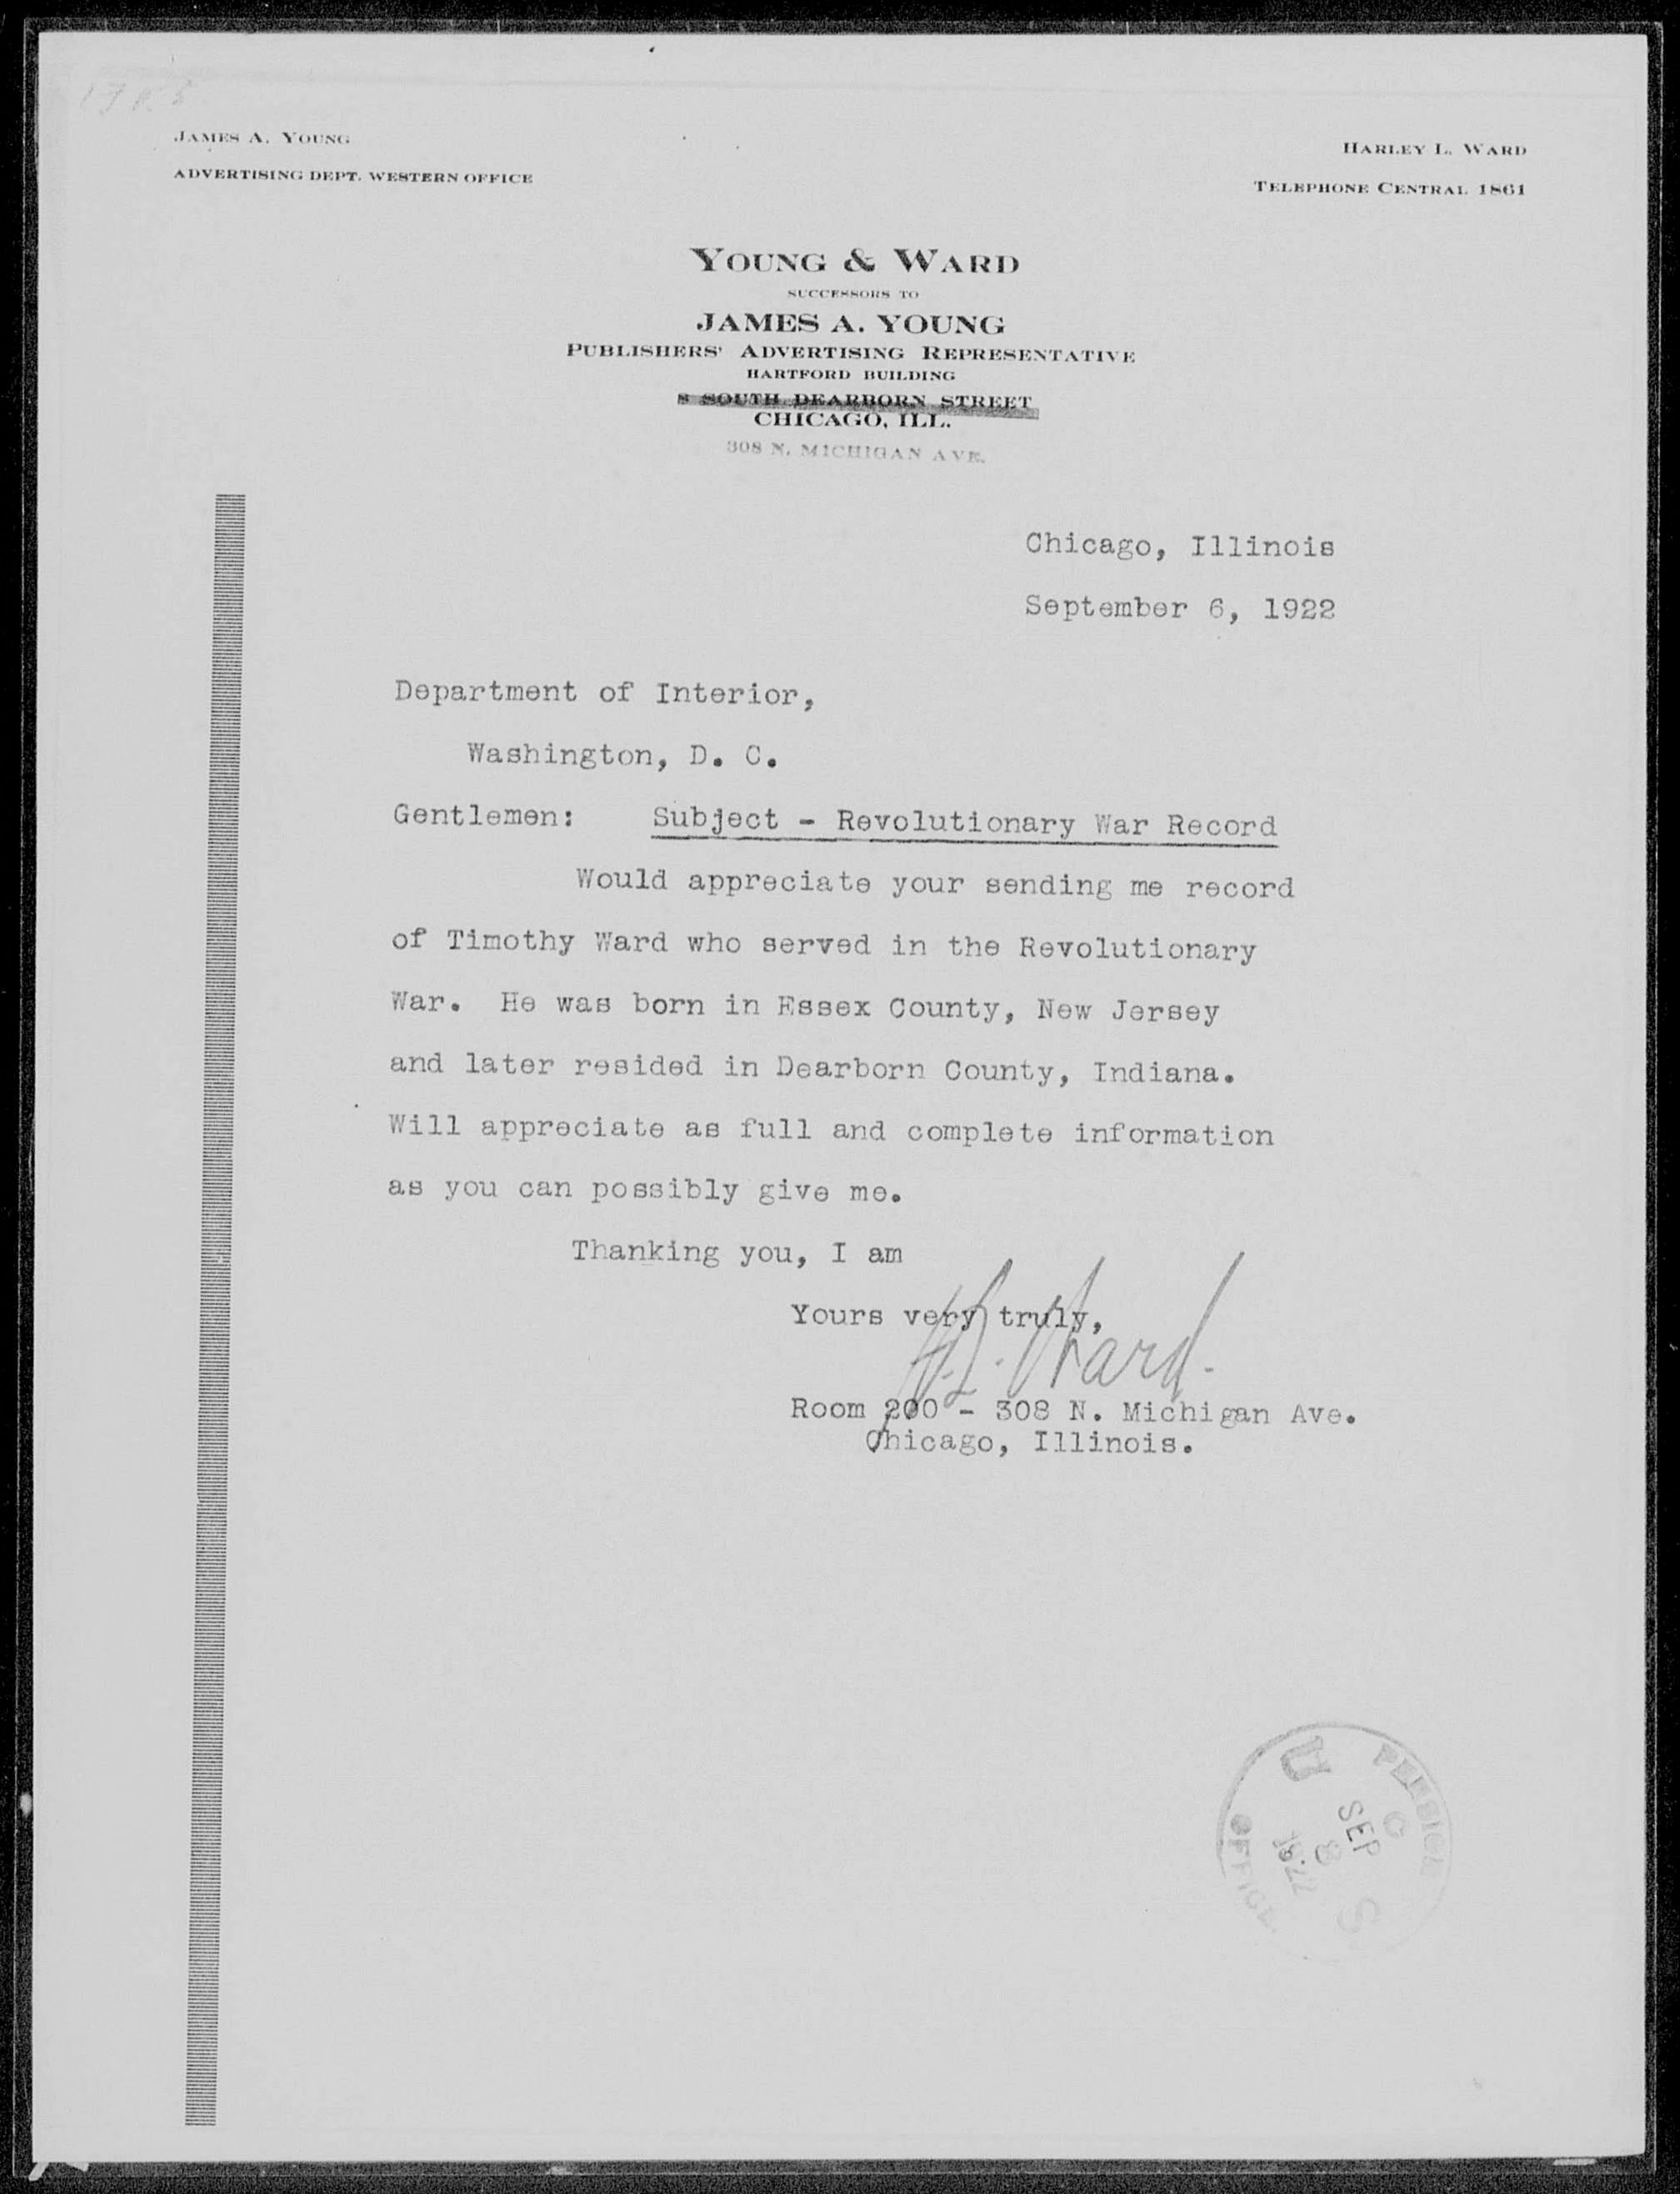JAMES A. YOUNG. 
ADVERTISING DEPT. WESTERN OFFICE 

HARLEY L. WARD
TELEPHONE CENTRAL. 1861

YOUNG & WARD 
SUCCESSORS TO 
JAMES A. YOUNG 
PUBLISHERS' ADVERTISING REPRESENTATIVE HARTFORD BUILDING 
[CROSSED OUT '8 SOUTH DEARBORN STREET']
CHICAGO, ILL.
308 N. MICHIGAN AVE HARLEY L. WARD 

Chicago, Illinois 
September 6, 1922 

Department of Interior, Washington, D. C. Gentlemen: Subject -- Revolutionary War Record 
Would appreciate your sending me record of Timothy Ward who served in the Revolutionary War . He was born in Essex County, New Jersey and later resided in Dearborn County, Indiana. Will appreciate as full and complete information as you can possibly give me. 
Thanking you, I am 
Yours very truly,
H.L. Ward  
Room 200-308 N. Michigan Ave. 
Chicago, Illinois. 

[a round office received stamp is located in the lower right corner of letter with wording as follows:]. US. PENSION OFFICE SEP 8 1922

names: James A Young, Ward, H L Ward, James A Young, Young, Timothy Ward, Harley L Ward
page: 13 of 24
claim: survivor's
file: S. 17751, Timothy Ward, New Jersey